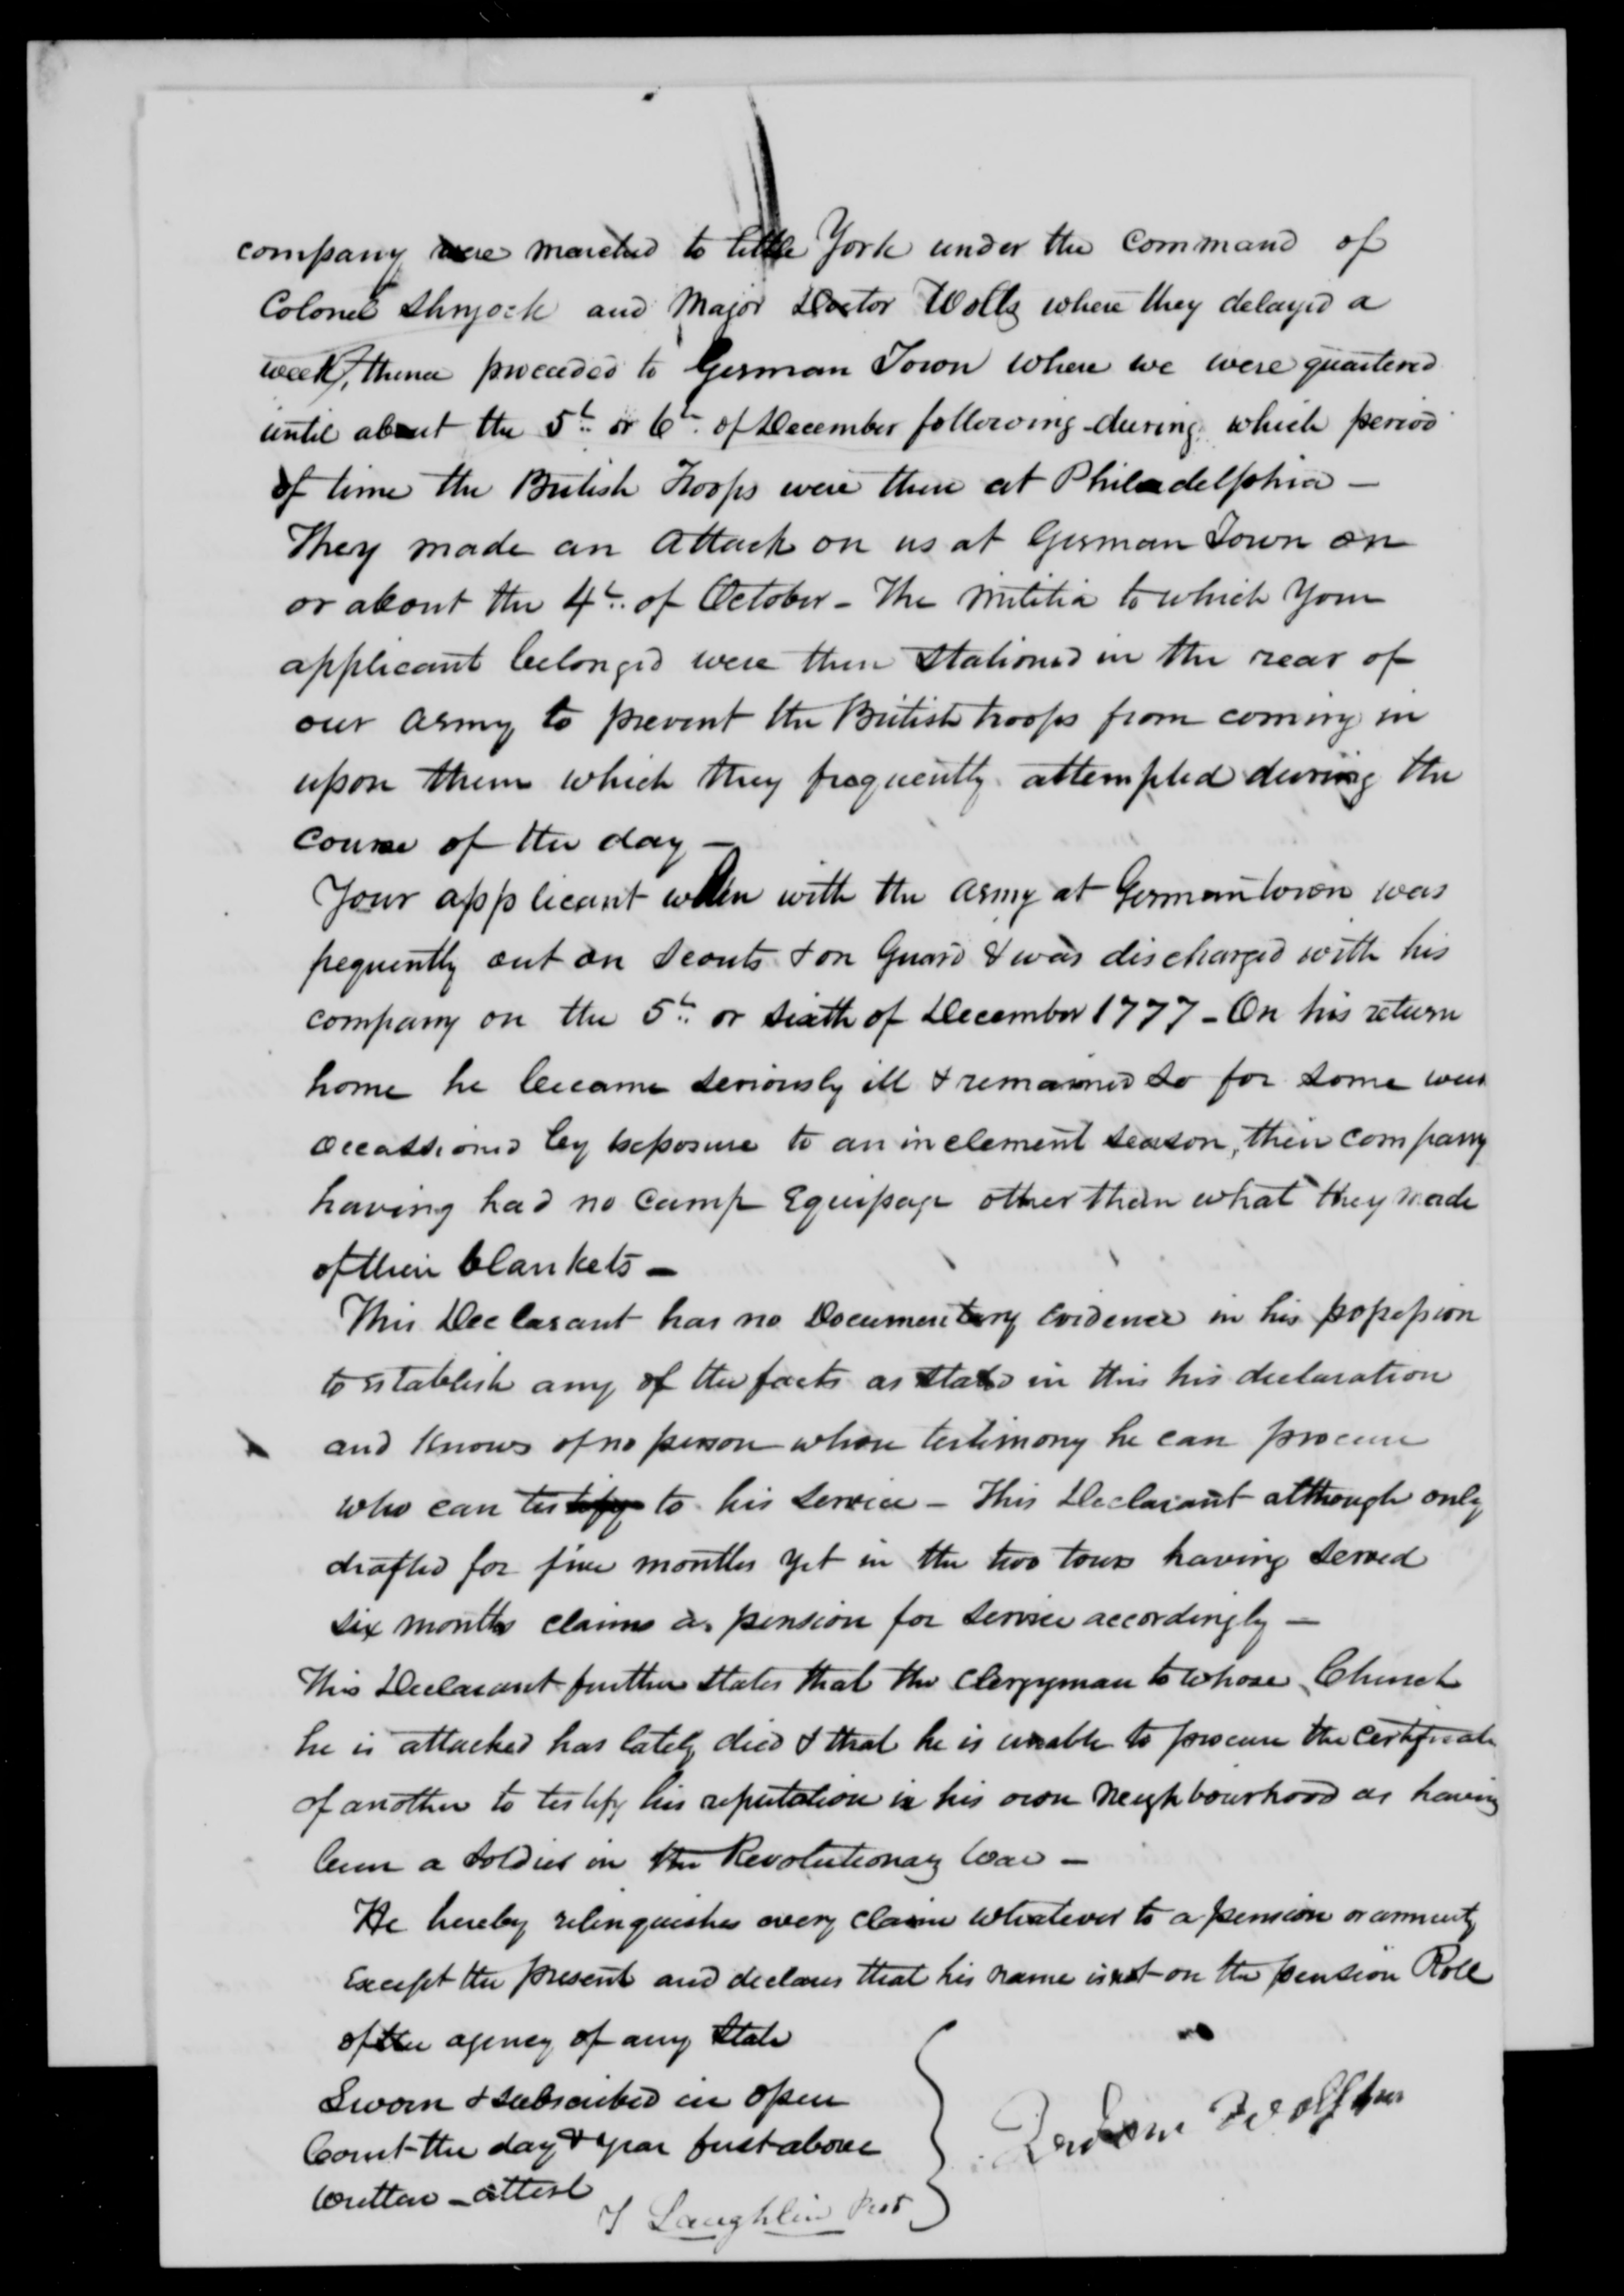company were marched to little York under the command of Colonel Shryock and Major Doctor Woltz where they delayed a week, thence proceeded to German Town where we were quartered
until about the 5th or 6th of December following. During which period of time the British Troops were then at Philadelphia- They made an attack on us at German Town on or about the 4th of October-- The militia to which your applicant belonged were then stationed in the rear of our army to prevent the British troops from coming in upon them which they frequently attempted during the course of the day.
Your applicant when with the army at Germantown was frequently out on scouts & on guard & was discharged with his company on the 5th or sixth of December 1777 - On his return home he became seriously ill & remained so for some weeks, 
occasioned by exposure to an inclement season, their company having had no camp equipage other than what they made of their blankets.
This Declarant has no Documentary evidence in his possession to establish any of the facts as stated in this his declaration and knows of no person whose testimony he can procure who can testify to his service - This Declarant although only drafted for five months yet in the two tours having served
six months claims a pension for service accordingly 
This Declarant further states that the Clergyman to whose Church he is attached has lately died & that he is unable to procure the certificate of another to testify his reputation in his own neighbourhood as having been a soldier in the Revolutionary War-
He hereby relinquishes every claim whatever to a pension or annuity Except the present and declares that his name is not on the pension Roll of the agency of any State.
Adam Woolheater

Sworn & subscribed in open Court the day & year first above written 
attest
T Laughlin Prot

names: T Laughlin, Ledon Wolf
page: 3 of 18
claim: rejected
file: R. 11854, Adam Woolheater, Md.